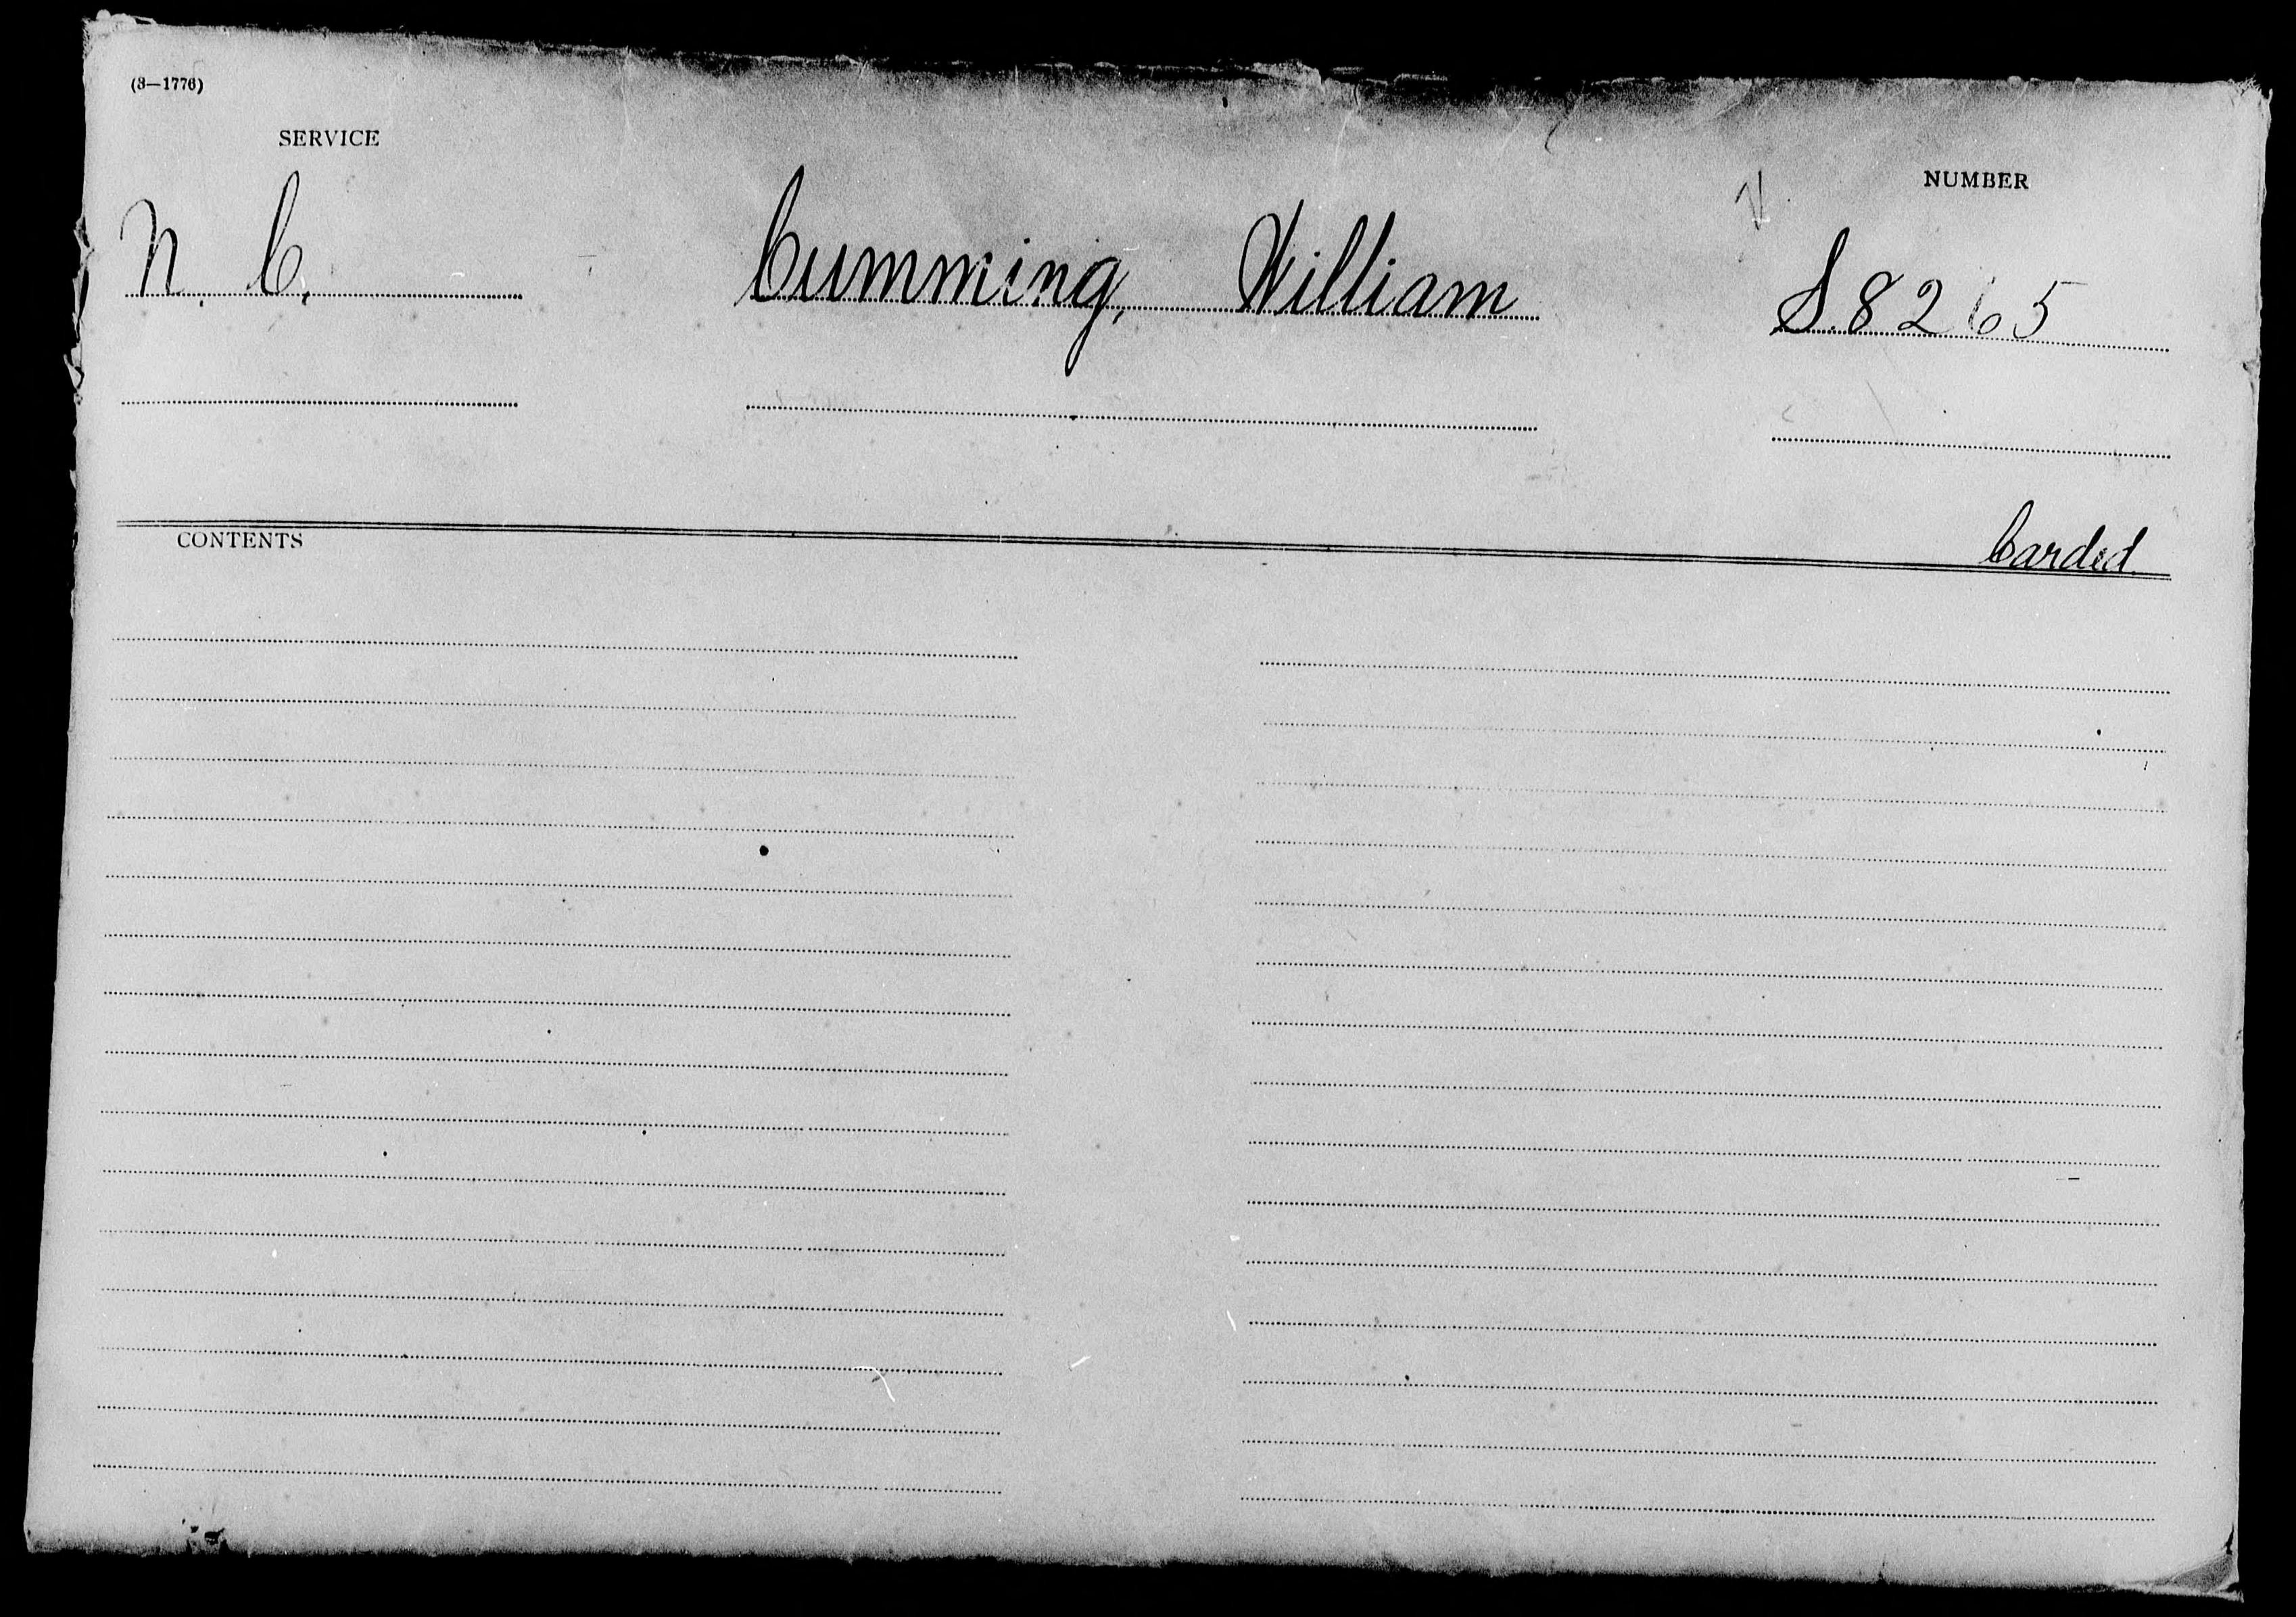(3-1776)
SERVICE                                              NUMBER
N.C.             Cumming, William           S.8265
                                                            Carded
________________________________________________
________________________________________________
CONTENTS
[Followed by 2 vertical columns of 15 blank lines in each column]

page: 1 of 145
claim: survivor's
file: S. 8265, William Cumming, N.C.